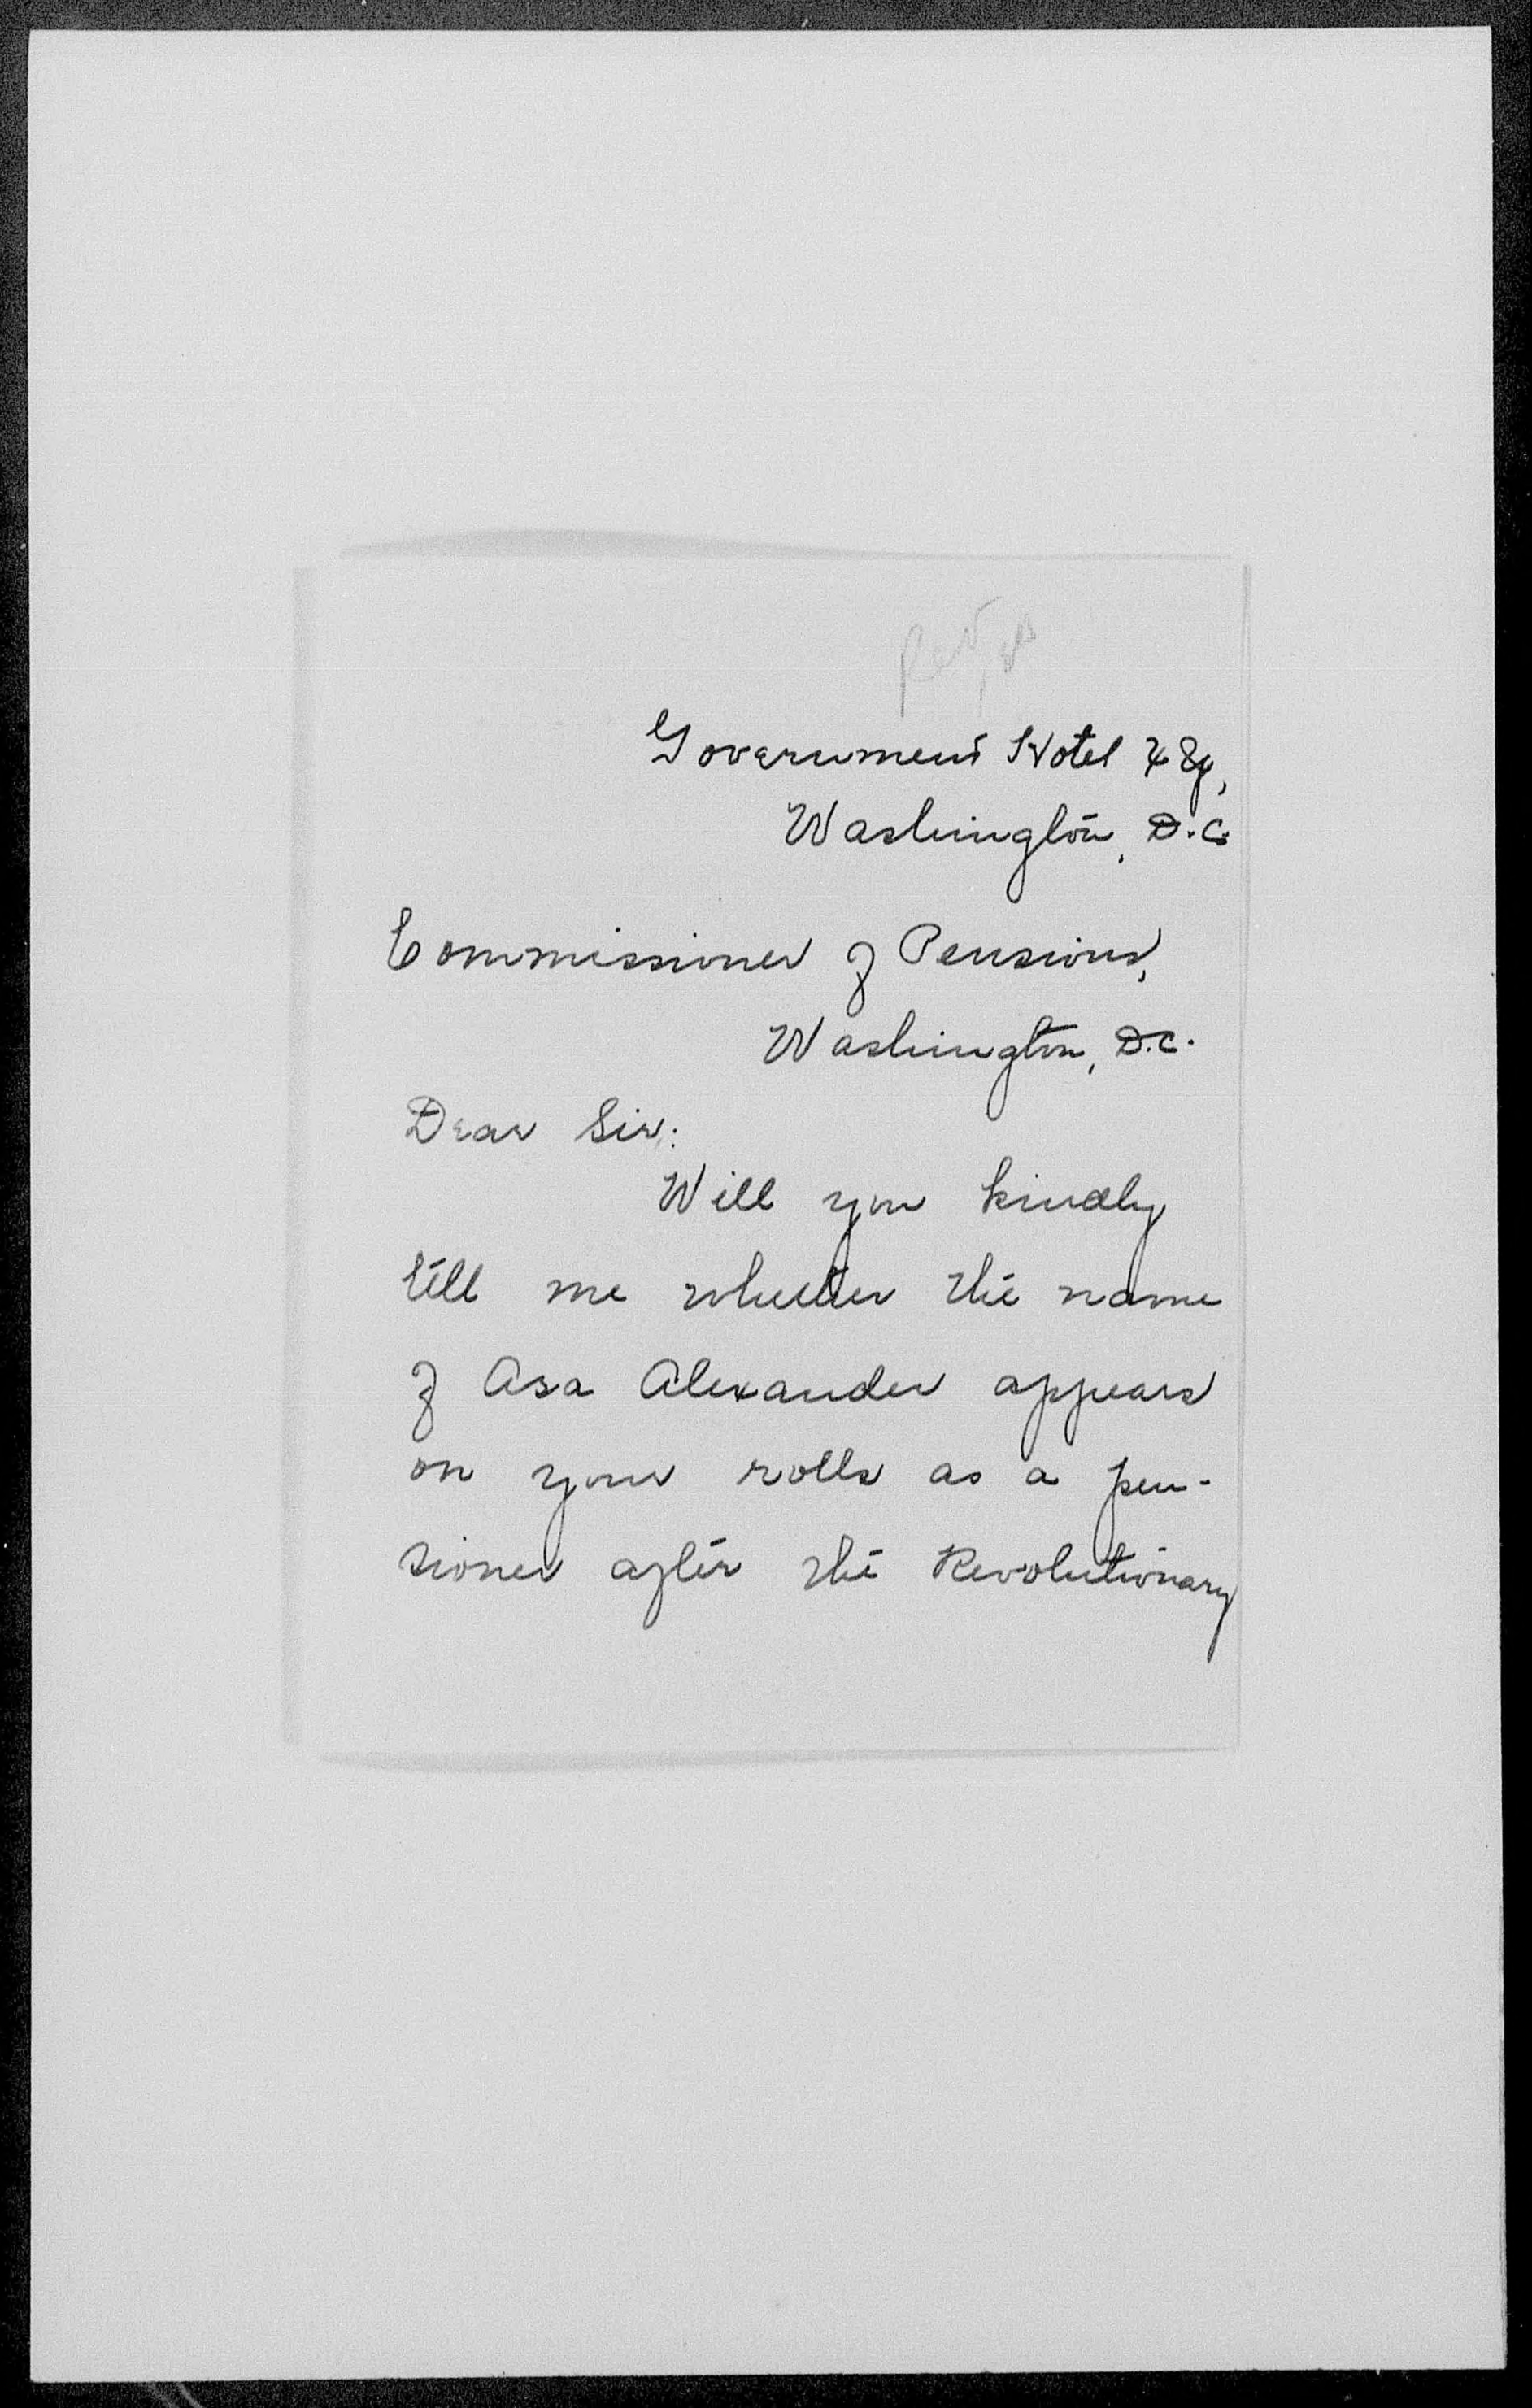Government Hotel [illegible]
Washington D. C.

Commissioner of Pensions,
Washington, D. C.

Dear Sir:

Will you kindly tell me whether the name of Asa Alexander appears on your rolls as a pensioner after the Revolutionary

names: Asa Alexander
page: 30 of 35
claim: survivor's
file: S. 32092, Asa Alexander, Ga.